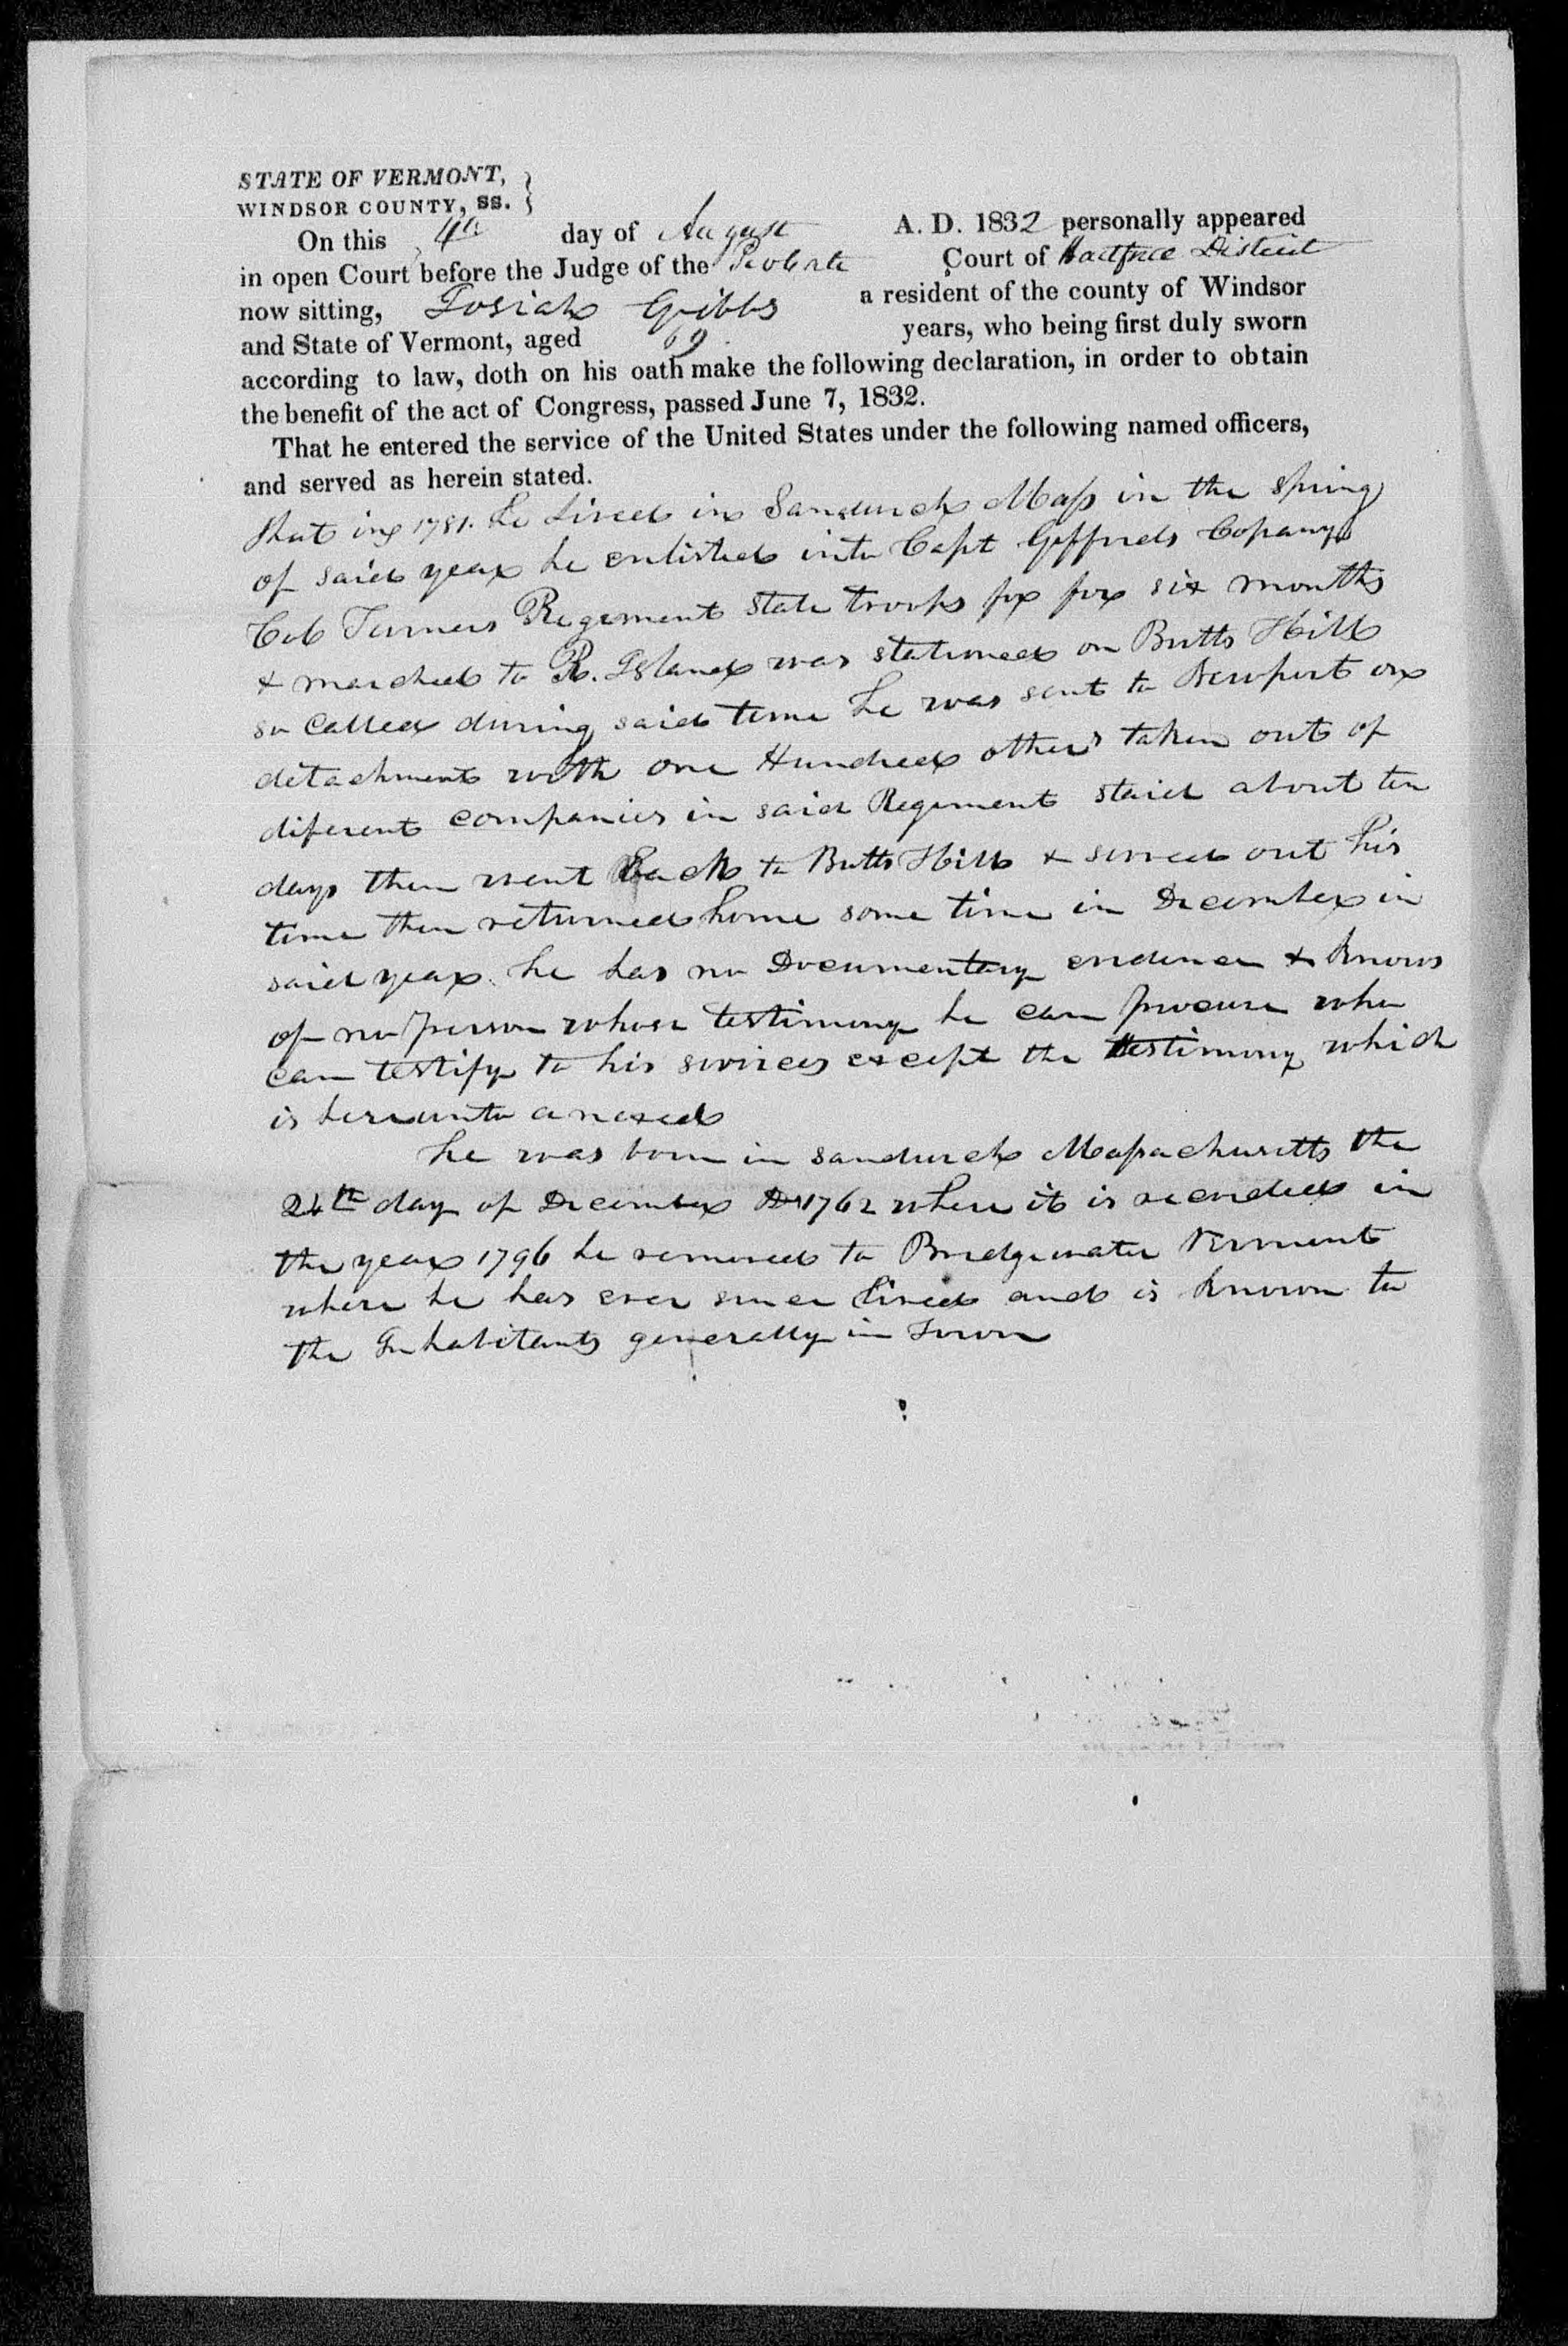STATE OF VERMONT,}
WINDSOR COUNTY, SS.}
On this 4th day of August  A. D. 1832 personally appeared in open Court before the Judge of the Probate Court of Hartford District
now sitting, Josiah Gibbs a resident of the county of Windsor and State of Vermont, aged
69 years, who being first duly sworn according to law, doth on his oath make the following declaration, in order to obtain the benefit of the act of Congress, passed June 7, 1832.
That he entered the service of the United States under the following named officers,
and served as herein stated.
That in 1781 he lived in Sandwich Mass in the spring of said year he enlisted into Capt Giffords Copany Col Turners Regiment state troops for five six months & marched to R. Island was stationed on Butts Hill or called during said time he was sent to Newport on
detachment with one Hundred others taken out of different companies in said Regiment staid (Sic) about ten days then went back to Butts Hills & served out his time then returned home some time in December in said year he has no documentary evidence & knows of no person whose testimony he can procure who
can testify to his services except the testimony which is hereunto anexed
he was born in Sandwich Massachusetts the
24th day of December 1762 where it is accorded in the year 1776 he removed to Bridgewater Vermont where he has ever lived and is known to the Inhabitants generally in Town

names: Josiah Gibbs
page: 6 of 33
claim: widow's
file: W. 4681, Josiah Gibbs, Mass